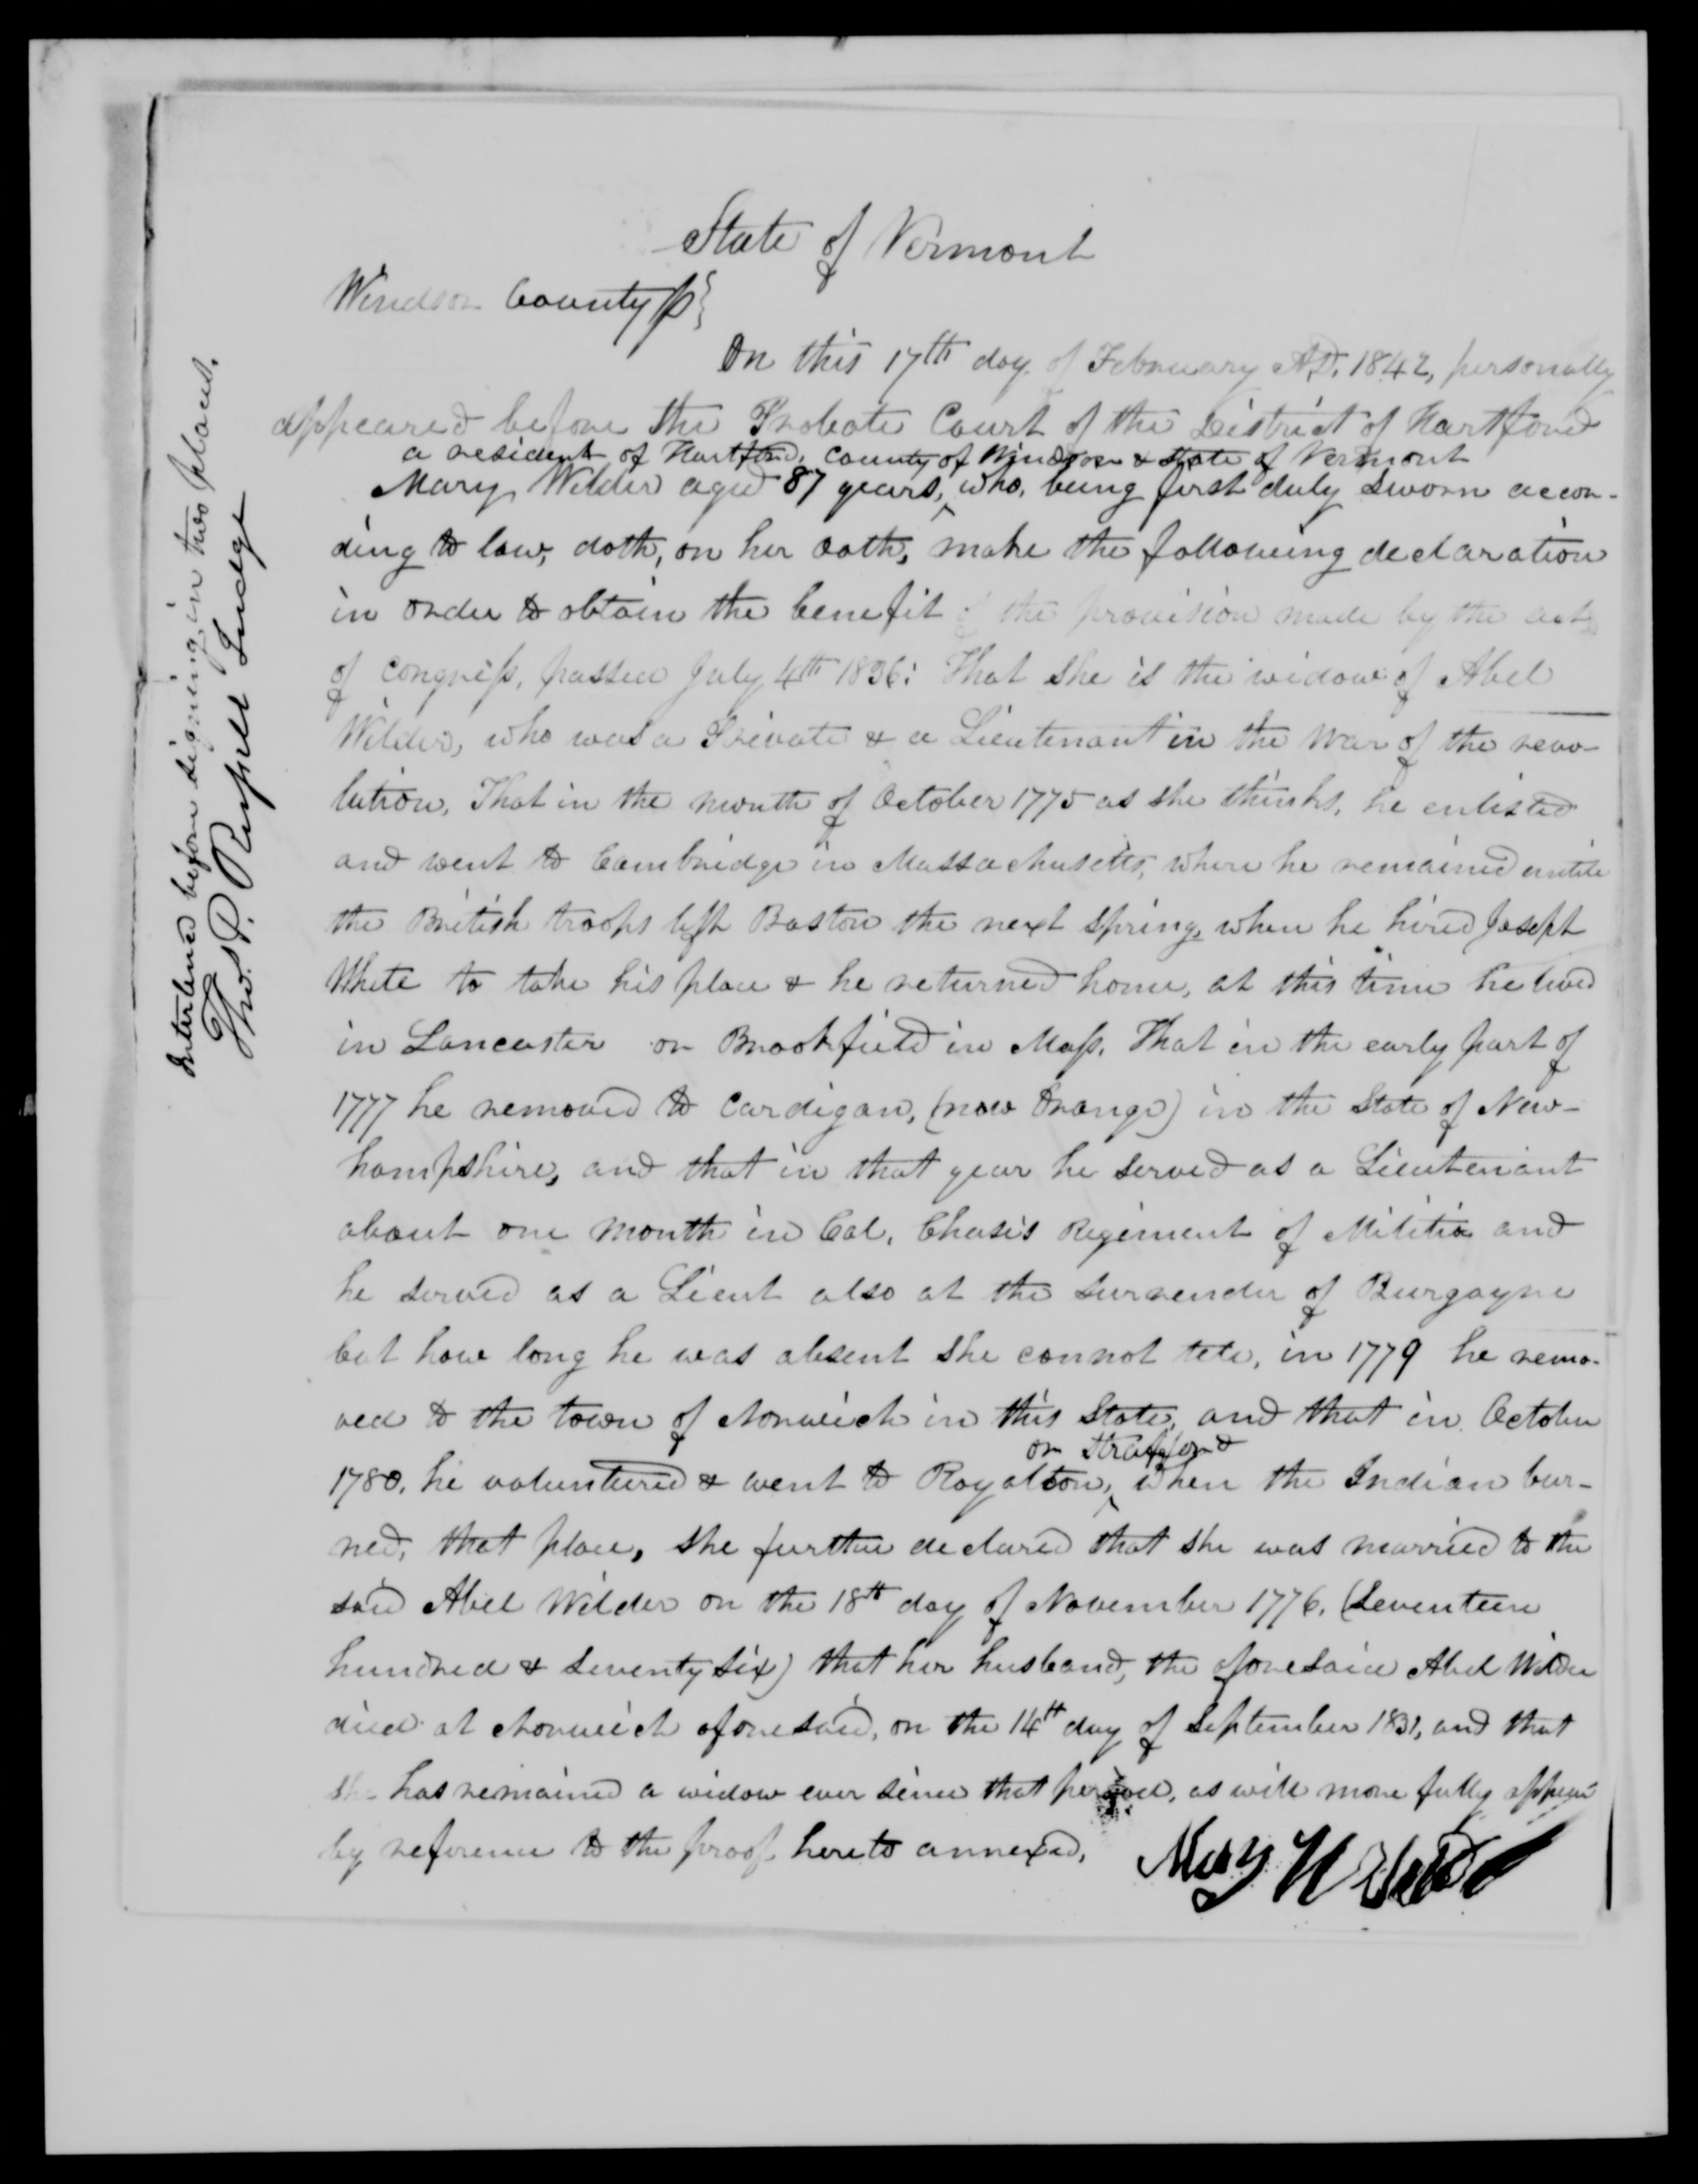State of Vermont
Windsor County ss }
On this 17th day of February A.D. 1842, personally 
appeared before the Probate Court of the District of Hartford
[inserted into line below] a resident of Hartford, County of Windsor + state of Vermont 
Mary Wilder aged 87 years, ^ [inserted above line] who, being first duly sworn according to the law, doth on her oath, make the following declaration
in order to obtain the benefits of the provision made by the act 
of congress, passed July 4th 1836; that she is the widow of Abel
Wilder, who was a Private & a Lieutenant in the War of the revolution, that in the month of October 1775 as she thinks, he enlisted 
and went to Cambridge in Massachusetts, where he remained until
the British troops left Boston the next spring, when he hired Joseph
White to take his place & he returned home, at this time he lived
in Lancaster or Brookfield in Mass. That in the early part of 
1777 he removed to Cardigan, (now Orange) in the State of New
Hampshire, and that in that year he served as a Lieutenant 
about one month in Col. Chase’s Regiment of Militia and
he served as a Lieut. also at the surrender of Burgoyne
but how long he was absent she cannot tell, in 1779 he removed to the town of Norwich in this State, and that in October 
1780, he volunteered + went to Royalton, (^ On Straffer &) when the Indian burned that place, she further declared that she was married to the 
Said Abel Wilder on the 18th day of November 1776, (Seventeen 
hundred and seventy six) that her husband, the aforesaid Abel Wilder
died at Norwich aforesaid, on the 14th day of September 1832, and that 
she has remained a widow ever since that period, as will more fully appear
by reference to the proof hereto annexed, 
Mary Wilder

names: Thos P Russell, Mary Wilder, Abel Wilder, Joseph White, Burgoyne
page: 9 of 40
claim: widow's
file: W. 18,426, Abel Wilder, Mass. N.H. Vt.